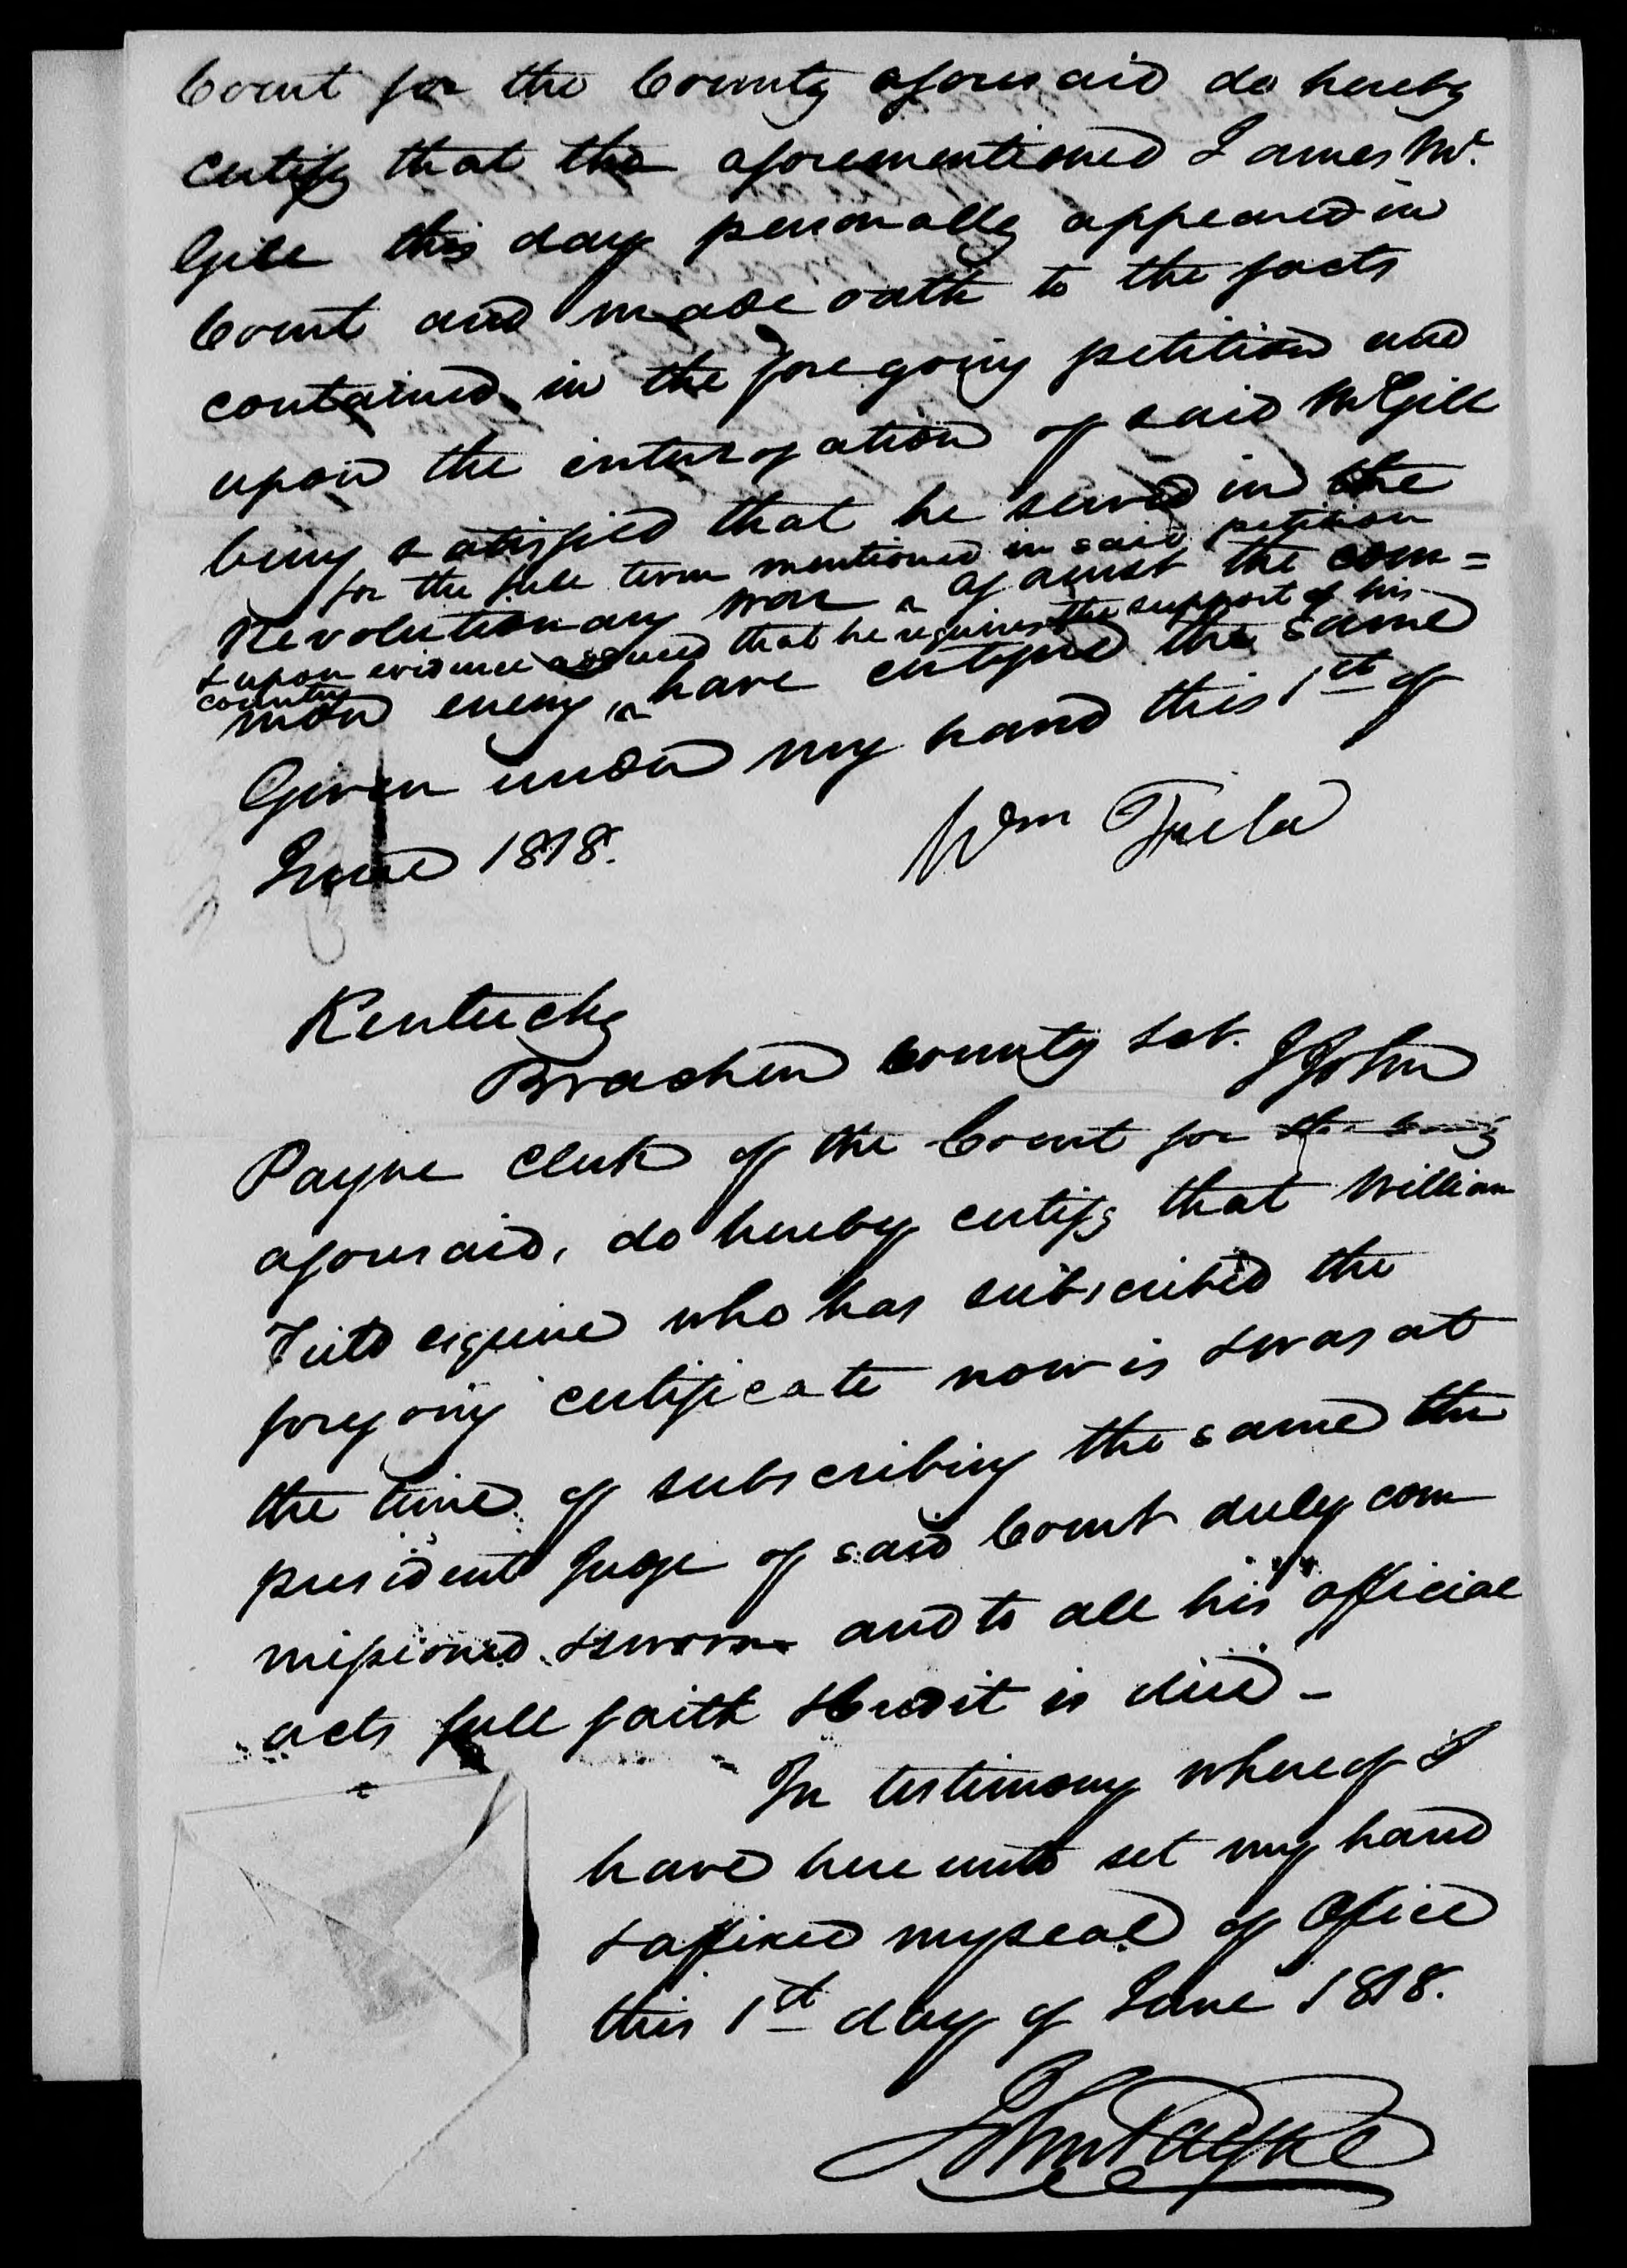image 76      (# 4160873_00076)    
Fold3 File #23857243
[continued from image 75]

Court for the County aforesaid do hereby certify that the aforementioned James McGill this day personally appeared in court and made oath to the facts contained in the foregoing petition and upon the interrogation of said McGill [and] being satisfied that he served in the Revolutionary War against the common enemy for the full term  mentioned in said petition & upon evidence adduced that he requires the support of his country  have certified the same. Given under my hand this 1st of June 1818.   Wm Field 

Kentucky Bracken County Sct.   I John Payne clerk of the court for the county aforesaid, do hereby certify that William Field esquire who has subscribed the foregoing certificate now is and was at the time of subscribing the same the presiding judge of said court duly commissioned and sworn and to all his official acts full faith to wit is [illegible] -
In testimony whereof I have hereunto set my hand and affixed my seal of office this 1st day of June 1818.
[seal]     John Payne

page: 19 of 71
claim: widow's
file: W. 8428, for James Mc Gill, Pennsylvania